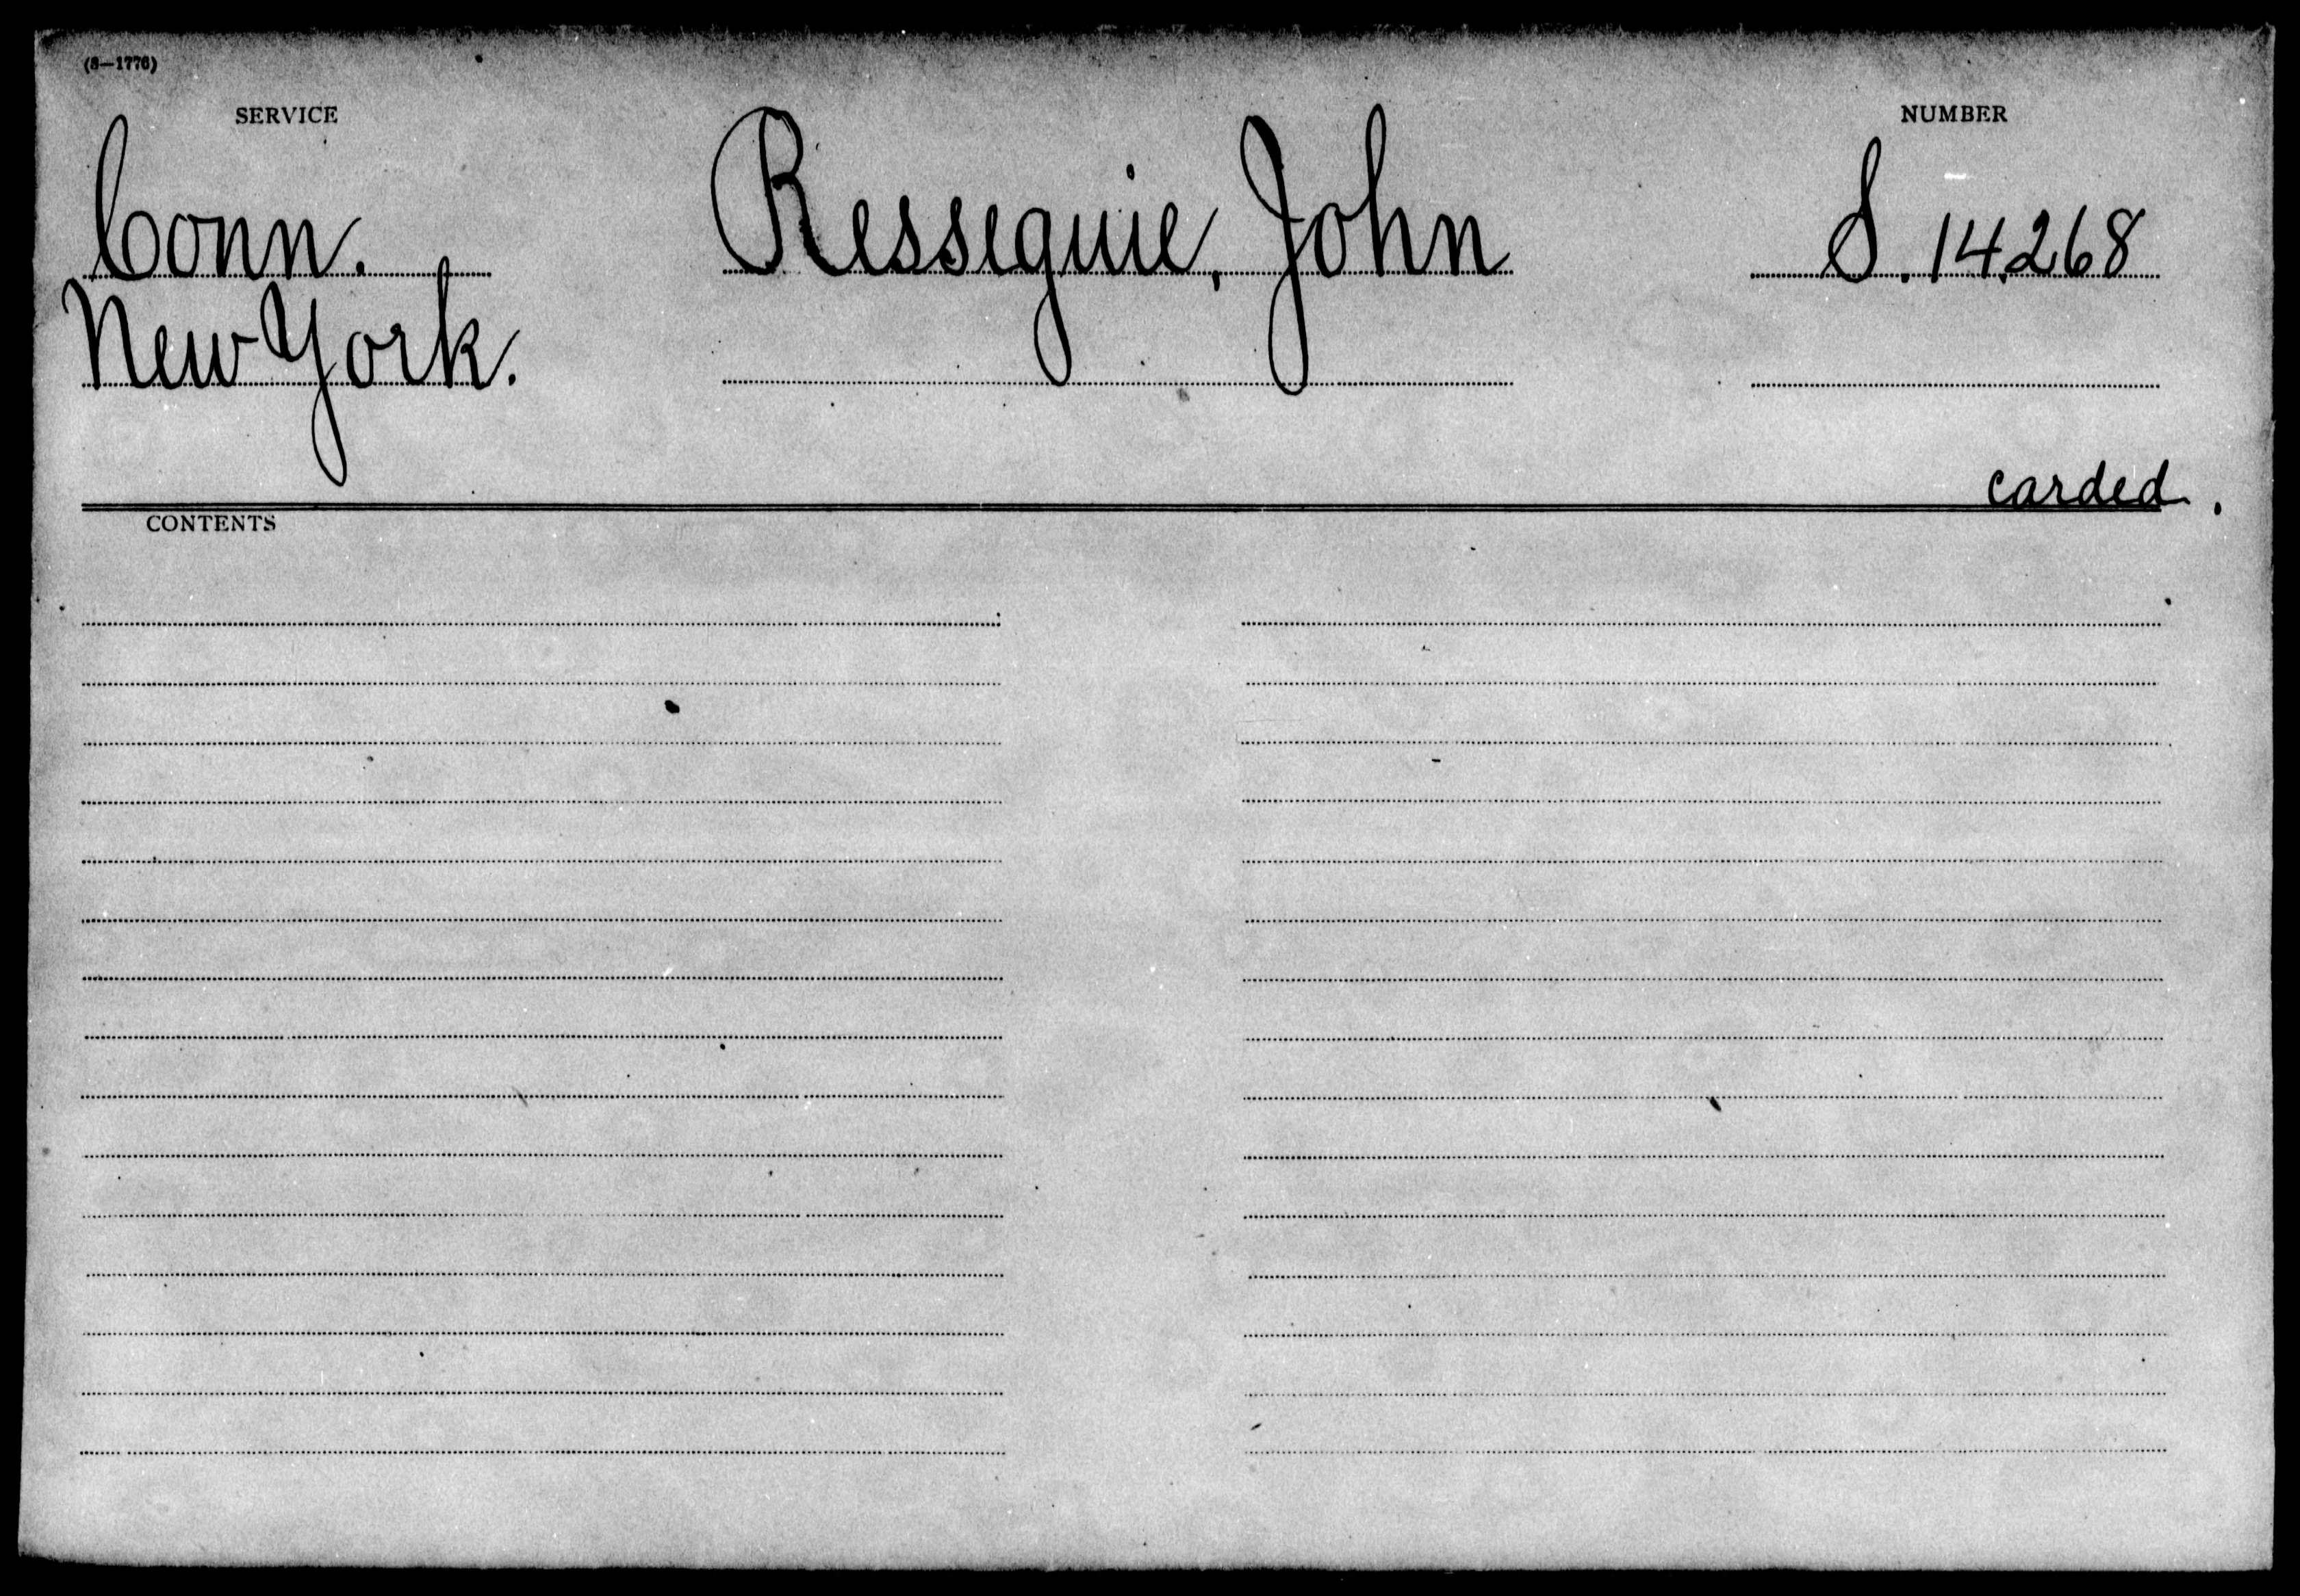(8-1776)

SERVICE | Conn.     New York 
Ressiguie, John 1
NUMBER | S.14.268 
carded.
CONTENTS | [BLANK]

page: 1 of 29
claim: survivor's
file: S. 14,268, for John Resseguie, New York